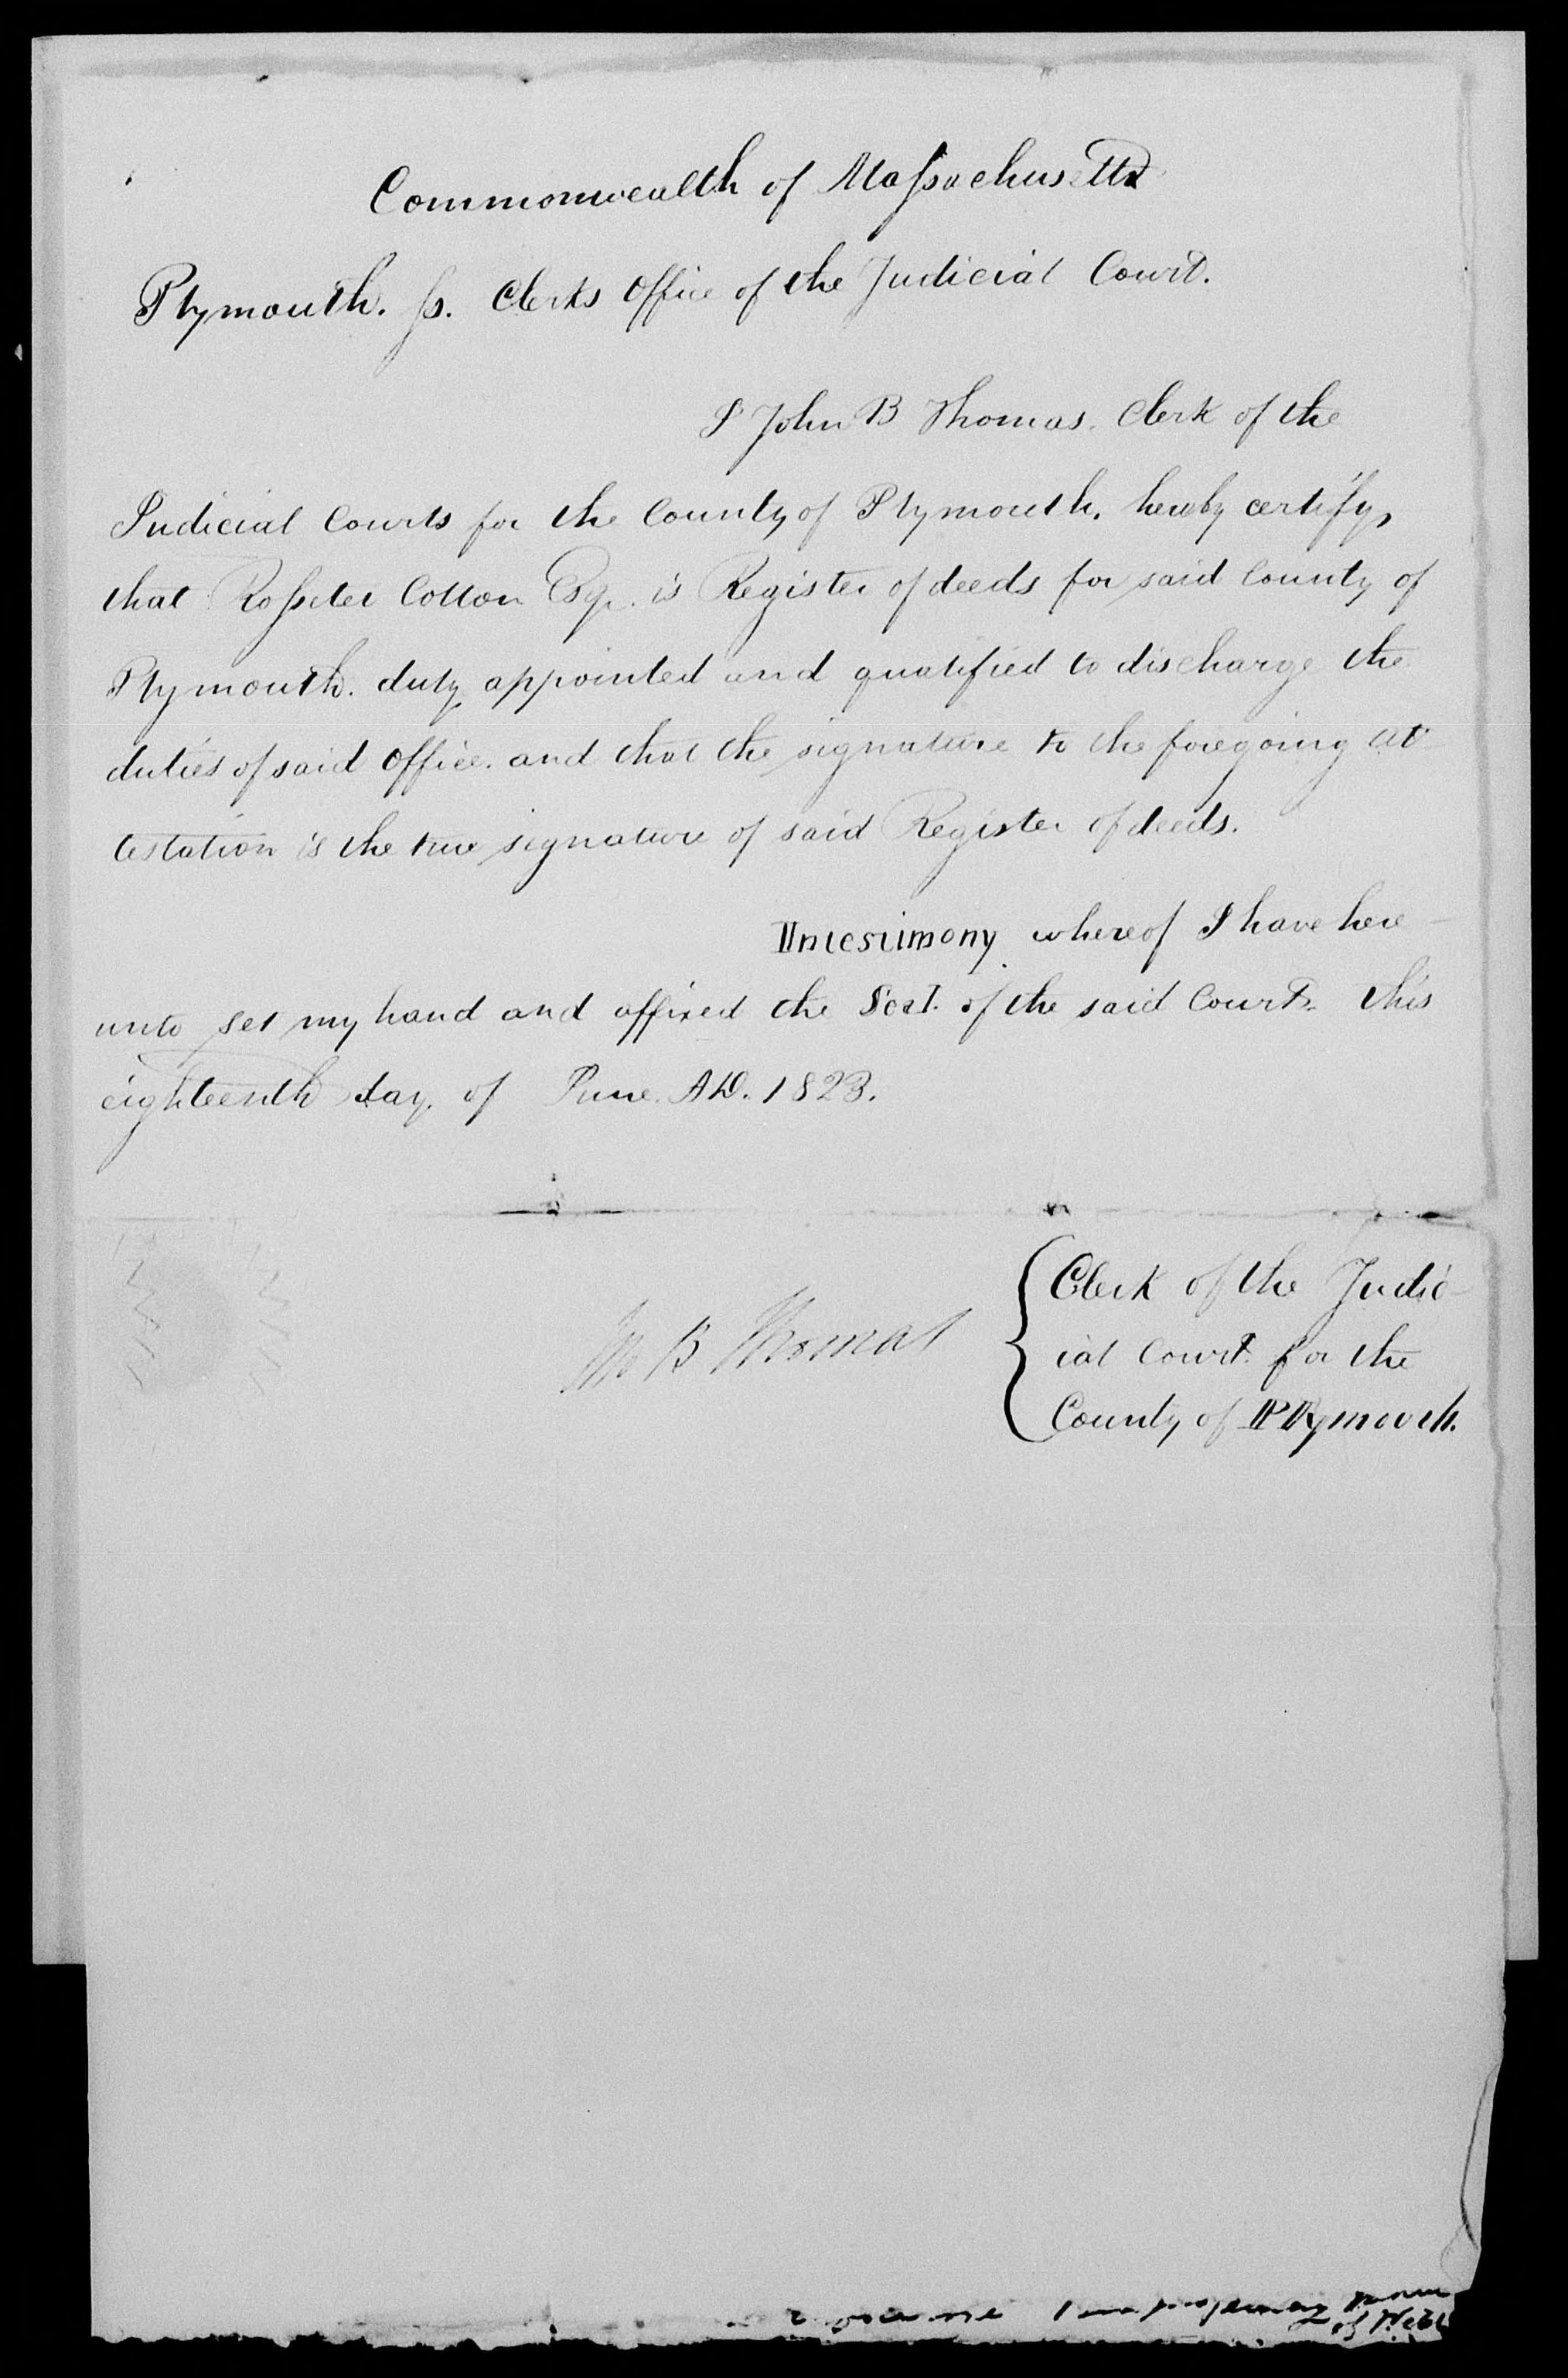Commonwealth of Massachusetts
Plymouth ss. Clerks office of the Judicial Court

I John B Thomas Clerk of the Judicial Courts for the County of Plymouth, hereby certify
that Rossiter Cotton Esqr is Register of deeds for said County of Plymouth, duly appointed and qualified to discharge the duties of said office, and that the signature to the foregoing attestation is the true signature of said Register of deeds.
In Testimony whereof I have hereunto
set my hand and affixed the cost of the said Court this eighteenth day of June AD. 1823
Jno B Thomas
Clerk of the Judicial Court for the
County of Plymouth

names: Rossiter Cotton; Jno B Thomas; John B Thomas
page: 51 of 82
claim: widow's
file: W. 13,634, for Rufus Lincoln, Massachusetts